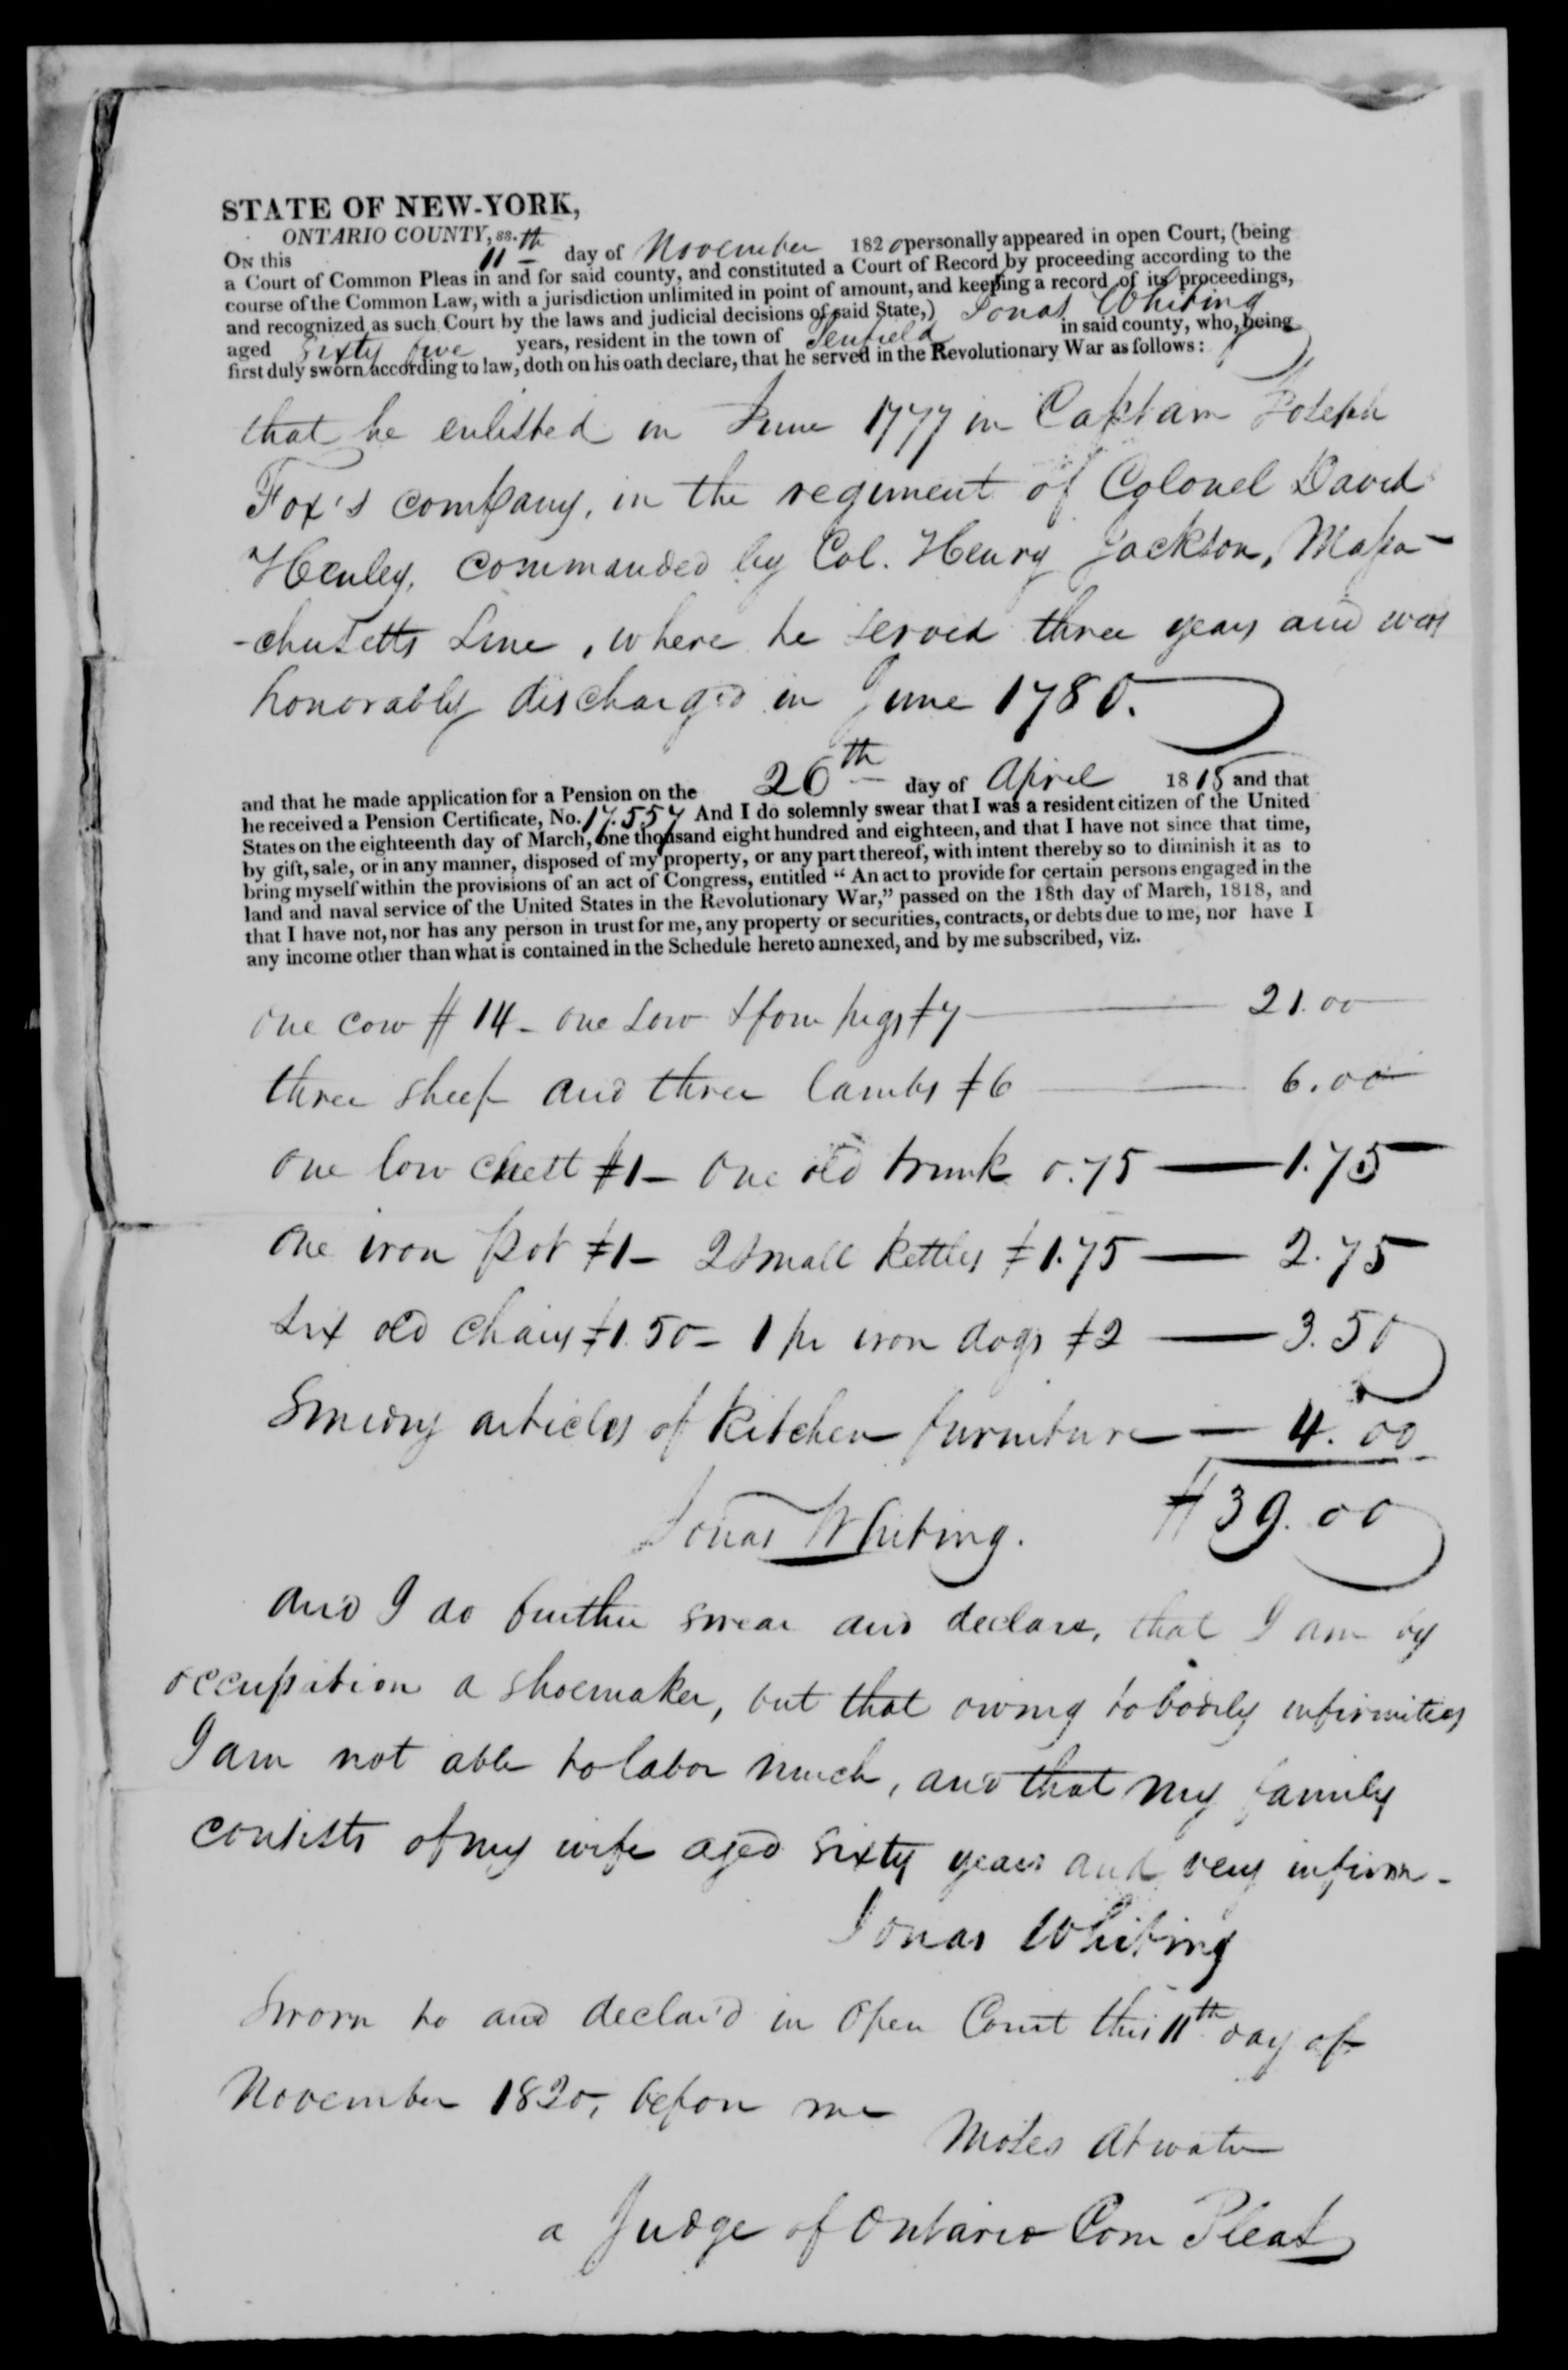State of New York
Ontario County, ss
On this 11th day of November 1820 personally appeared in open Court, (being a Court of Common Pleas in and for said county, and constituted a Court of Record by proceeding according to the course of the Common Law, with jurisdiction unlimited in point of amount, and keeping a record of its proceedings, and recognized as such Court by the laws and judicial decisions of said State,) Jonas Whiting aged sixty five years, resident in the town of Penfield in said county, who, being first duly sworn according to law, doth on his oath declare, the he served in the Revolutionary War as follows:
That he enlisted in June 1777 in Captain Joseph Fox's company in the regiment of Colonel David Henley commanded by Col. Henry Jackson Massachusetts Line, where he served three years and was honorably discharged in June 1780.
and that he made application for a Pension on the 26th day of April 1818 and that he received a Pension Certificate, No. 17557 And I do solemnly swear that I was a resident citizen of the United States on the eighteenth ay of March, one thousand eight hundred and eighteen, and that I have not since that time, by gift, sale or any manner, disposed of my property, or any part thereof, with intent thereby so to diminish it as to bring myself within the provisions of an act of Congress, entitled "An act to provide for certain persons engaged in the land and naval service of the United States in the Revolutionary War," passed on the 18th day of March, 1818, and that I have not nor has any person in trust for me, any property or securities, contracts or debts due to me, nor have I any income other than what is contained in the Schedule hereto annexed, and by me subscribed, viz.
one coe #14-one low & four high #7   21.00
three sheep and three lambs #6             6.00
one low chest #1= one old trunk .75      1.75
one iron  pot #1- 2 sm. kettles #1.75      2.75
six old chairs #1.50-1 pr iron dogs #2     3.50
sundry articles of kitchen furniture      4.00
Jonas Whiting              #39.00
And I further swear and declare that I am by occupation a shoemaker, but that owing to bodily infirmities I am not able to labor much, and that my family consists of my wife aged sixty years and very infirm. 
Jonas Whiting
Sworn to and declared in open court this 11th day of November 1820 before me 
Moses Atwater
a Judge of Ontario Com. Pleas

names: Jonas Whiting, Henry Jackson, David Henley, Moses Atwater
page: 9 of 22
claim: survivor's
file: S. 43298, Jonas Whiting, Mass.